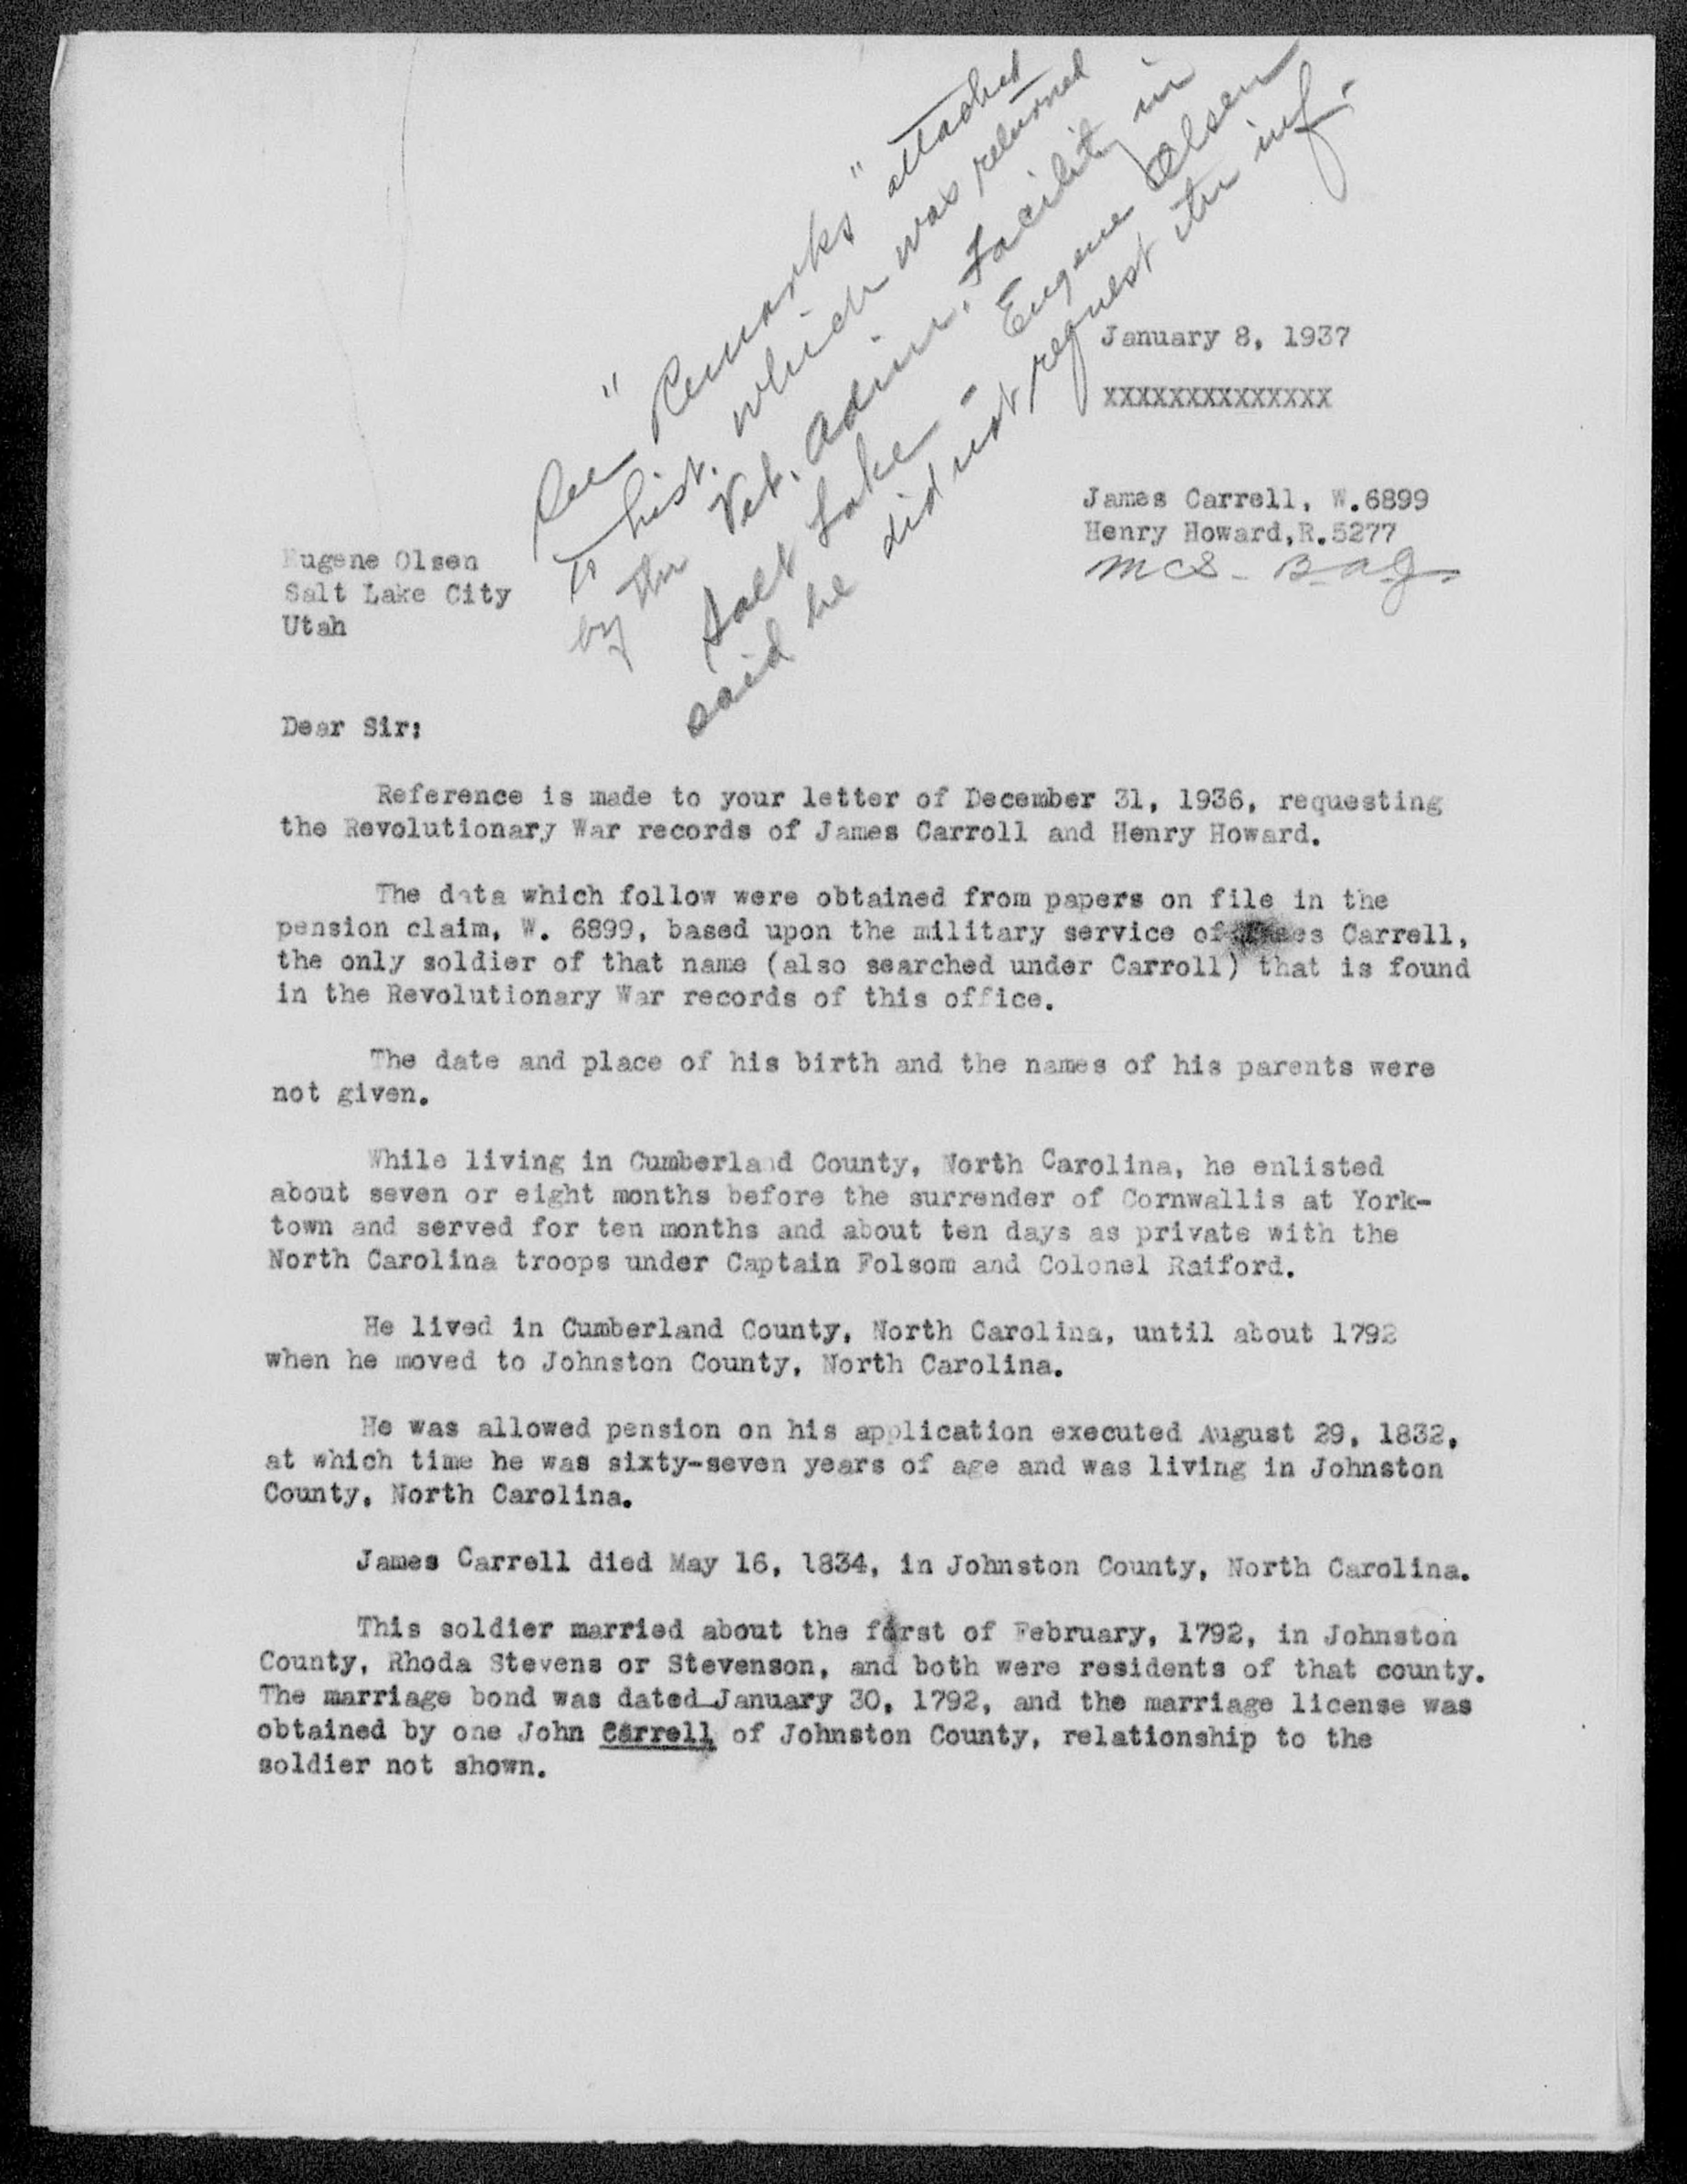January 8, 1937

James Carrell , W.6899
Henry Howard, R.5277
MCS- BaJ

[hand written on top of letter]
see "Remarks" attached to hist. which was returned by the vet Admin Facility in Salt Lake- Eugene Olsen said he did not request the inf.

Eugene Olsen
Salt Lake City
Utah

Dear Sir:

Reference is made to your letter of December 31, 1936, requesting the Revolutionary War records of James Carroll and Henry Howard.

The data which follow were obtained from papers on file in the pension claim, W. 6899, based upon the military service of James Carrell, the only soldier of that name (also searched under Carroll) that is found in the Revolutionary War records of this office.

The date and place of his birth and the names of his parents were not given.

While living in Cumberland County, North Carolina, he enlisted about seven or eight months before the surrender of Cornwallis at Yorktown and served for ten months and about ten days as private with the North Carolina troops under Captain Folsom and Colonel Raiford.

He lived in Cumberland County, North Carolina, until about 1792 when he moved to Johnston County, North Carolina.

He was allowed pension on his application executed August 29, 1832, at which time he was sixty-seven years of age and was living in Johnston County, North Carolina.

James Carrell died May 16, 1834, in Johnston County, North Carolina.

This soldier married about the first of February, 1792, in Johnston County, Rhoda Stevens or Stevenson, and both were residents of that county. The marriage bond was dated January 30, 1792, and the marriage license was obtained by one John Carrell of Johnston County, relationship to the soldier not shown.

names: Carroll, Eugene Olsen, Eugene Olsen, James Carrell, James Carroll, Henry Howard, James Carrell, John Carrell, Henry Howard, Folsom, James Carrell, Rhoda Stevens, Rhoda Stevenson, Raiford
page: 81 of 86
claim: widow's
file: W. 6899, James Carrell, N.C.